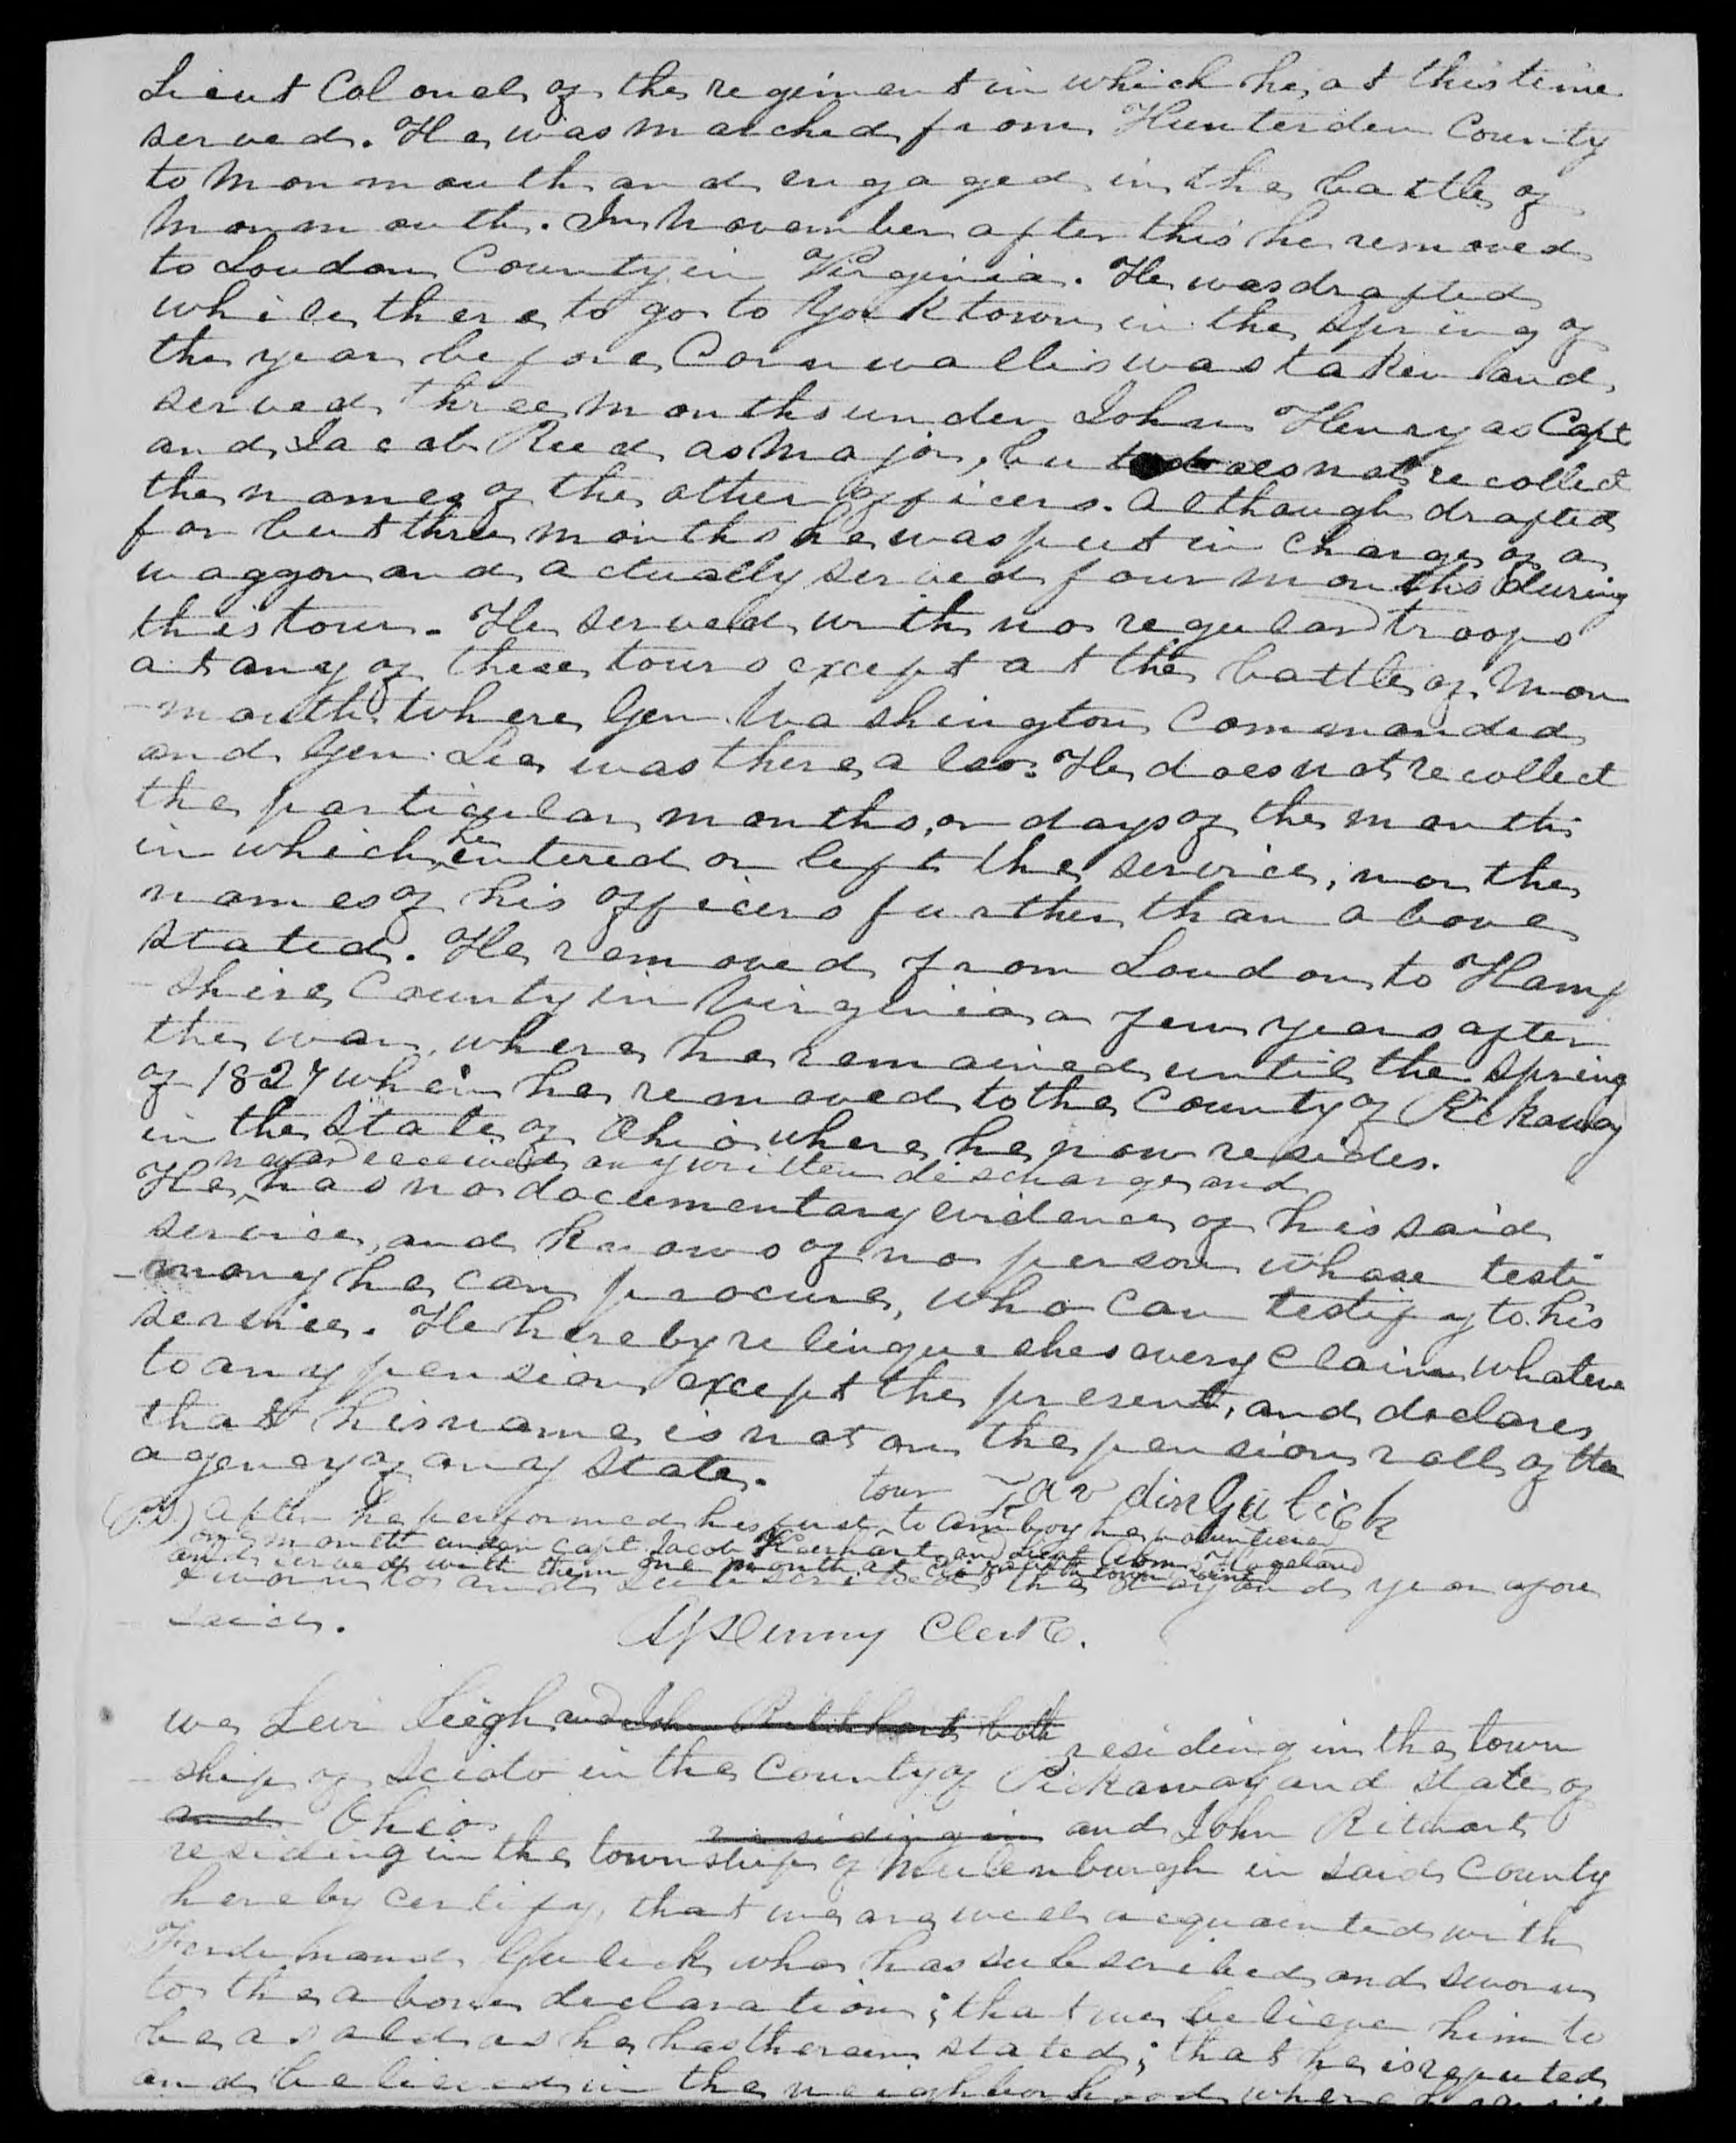Lieut Colonel of the regiment in which he at this time served. He was marched from Hunterdon County to Monmouth and engaged in the battle of Monmouth. In November after this he removed to Loudon County in Virginia. He was drafted while there to go to Yorktown in the Spring of the year before Cornwallis was taken and served three months under John Henry as Capt and Isaac Reed as Major, but does not recollect the names of the other officers. Although drafted for but three months he was put in charge of a waggon and actually served four months during this tour. He served with no regular troops at any of these tours except at the battle of Monmouth where Gen Washington commanded and Gen Lee was there also. He does not recollect the particulars, months or days of the month in which he entered or left the service, nor the names of his officers further than above stated. He removed from Loudon to Hampshire County in Virginia a few years after the war where he remained until the Spring of 1827 when he removed to the County of Pickaway in the State of Ohio where he now resides. He never received any written discharge and has no documentary evidence of his said service, and knows of no person whose testimony he can procure, who can testify to his services. He hereby relinquishes every claim whatsoever to any pension except the present and declares that his name is not on the pension roll of the agency and state.

(P.S.) After he performed his first tour to Amboy he volunteered one month under Capt Jacob Garhart and Lieut Abm Hageland and served with them one month at Elizabethtown Point.

Sworn to and subscribed on this day and year aforesaid.

(Signed)
SS Denny Clerk

We Levi Leigh residing in the township of Scioto in the County of Pickaway and State of Ohio and John Ritchart residing in the township of Muhlenberg in said County hereby certify that we are well acquainted with Ferdinand Gulick who has subscribed and sworn to the above declaration; that he is reputed and believed in the neighborhood where he resides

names: Jacob Garhart, Jacob Reed, Washington, S S Denny, Abm Hageland, Ferdinand Gulick, Lee, Levi Leigh, John Ritchart, John Henry, Cornwallis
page: 6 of 21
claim: survivor's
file: S. 2586, Ferdinand Gulick, New Jersey Va.